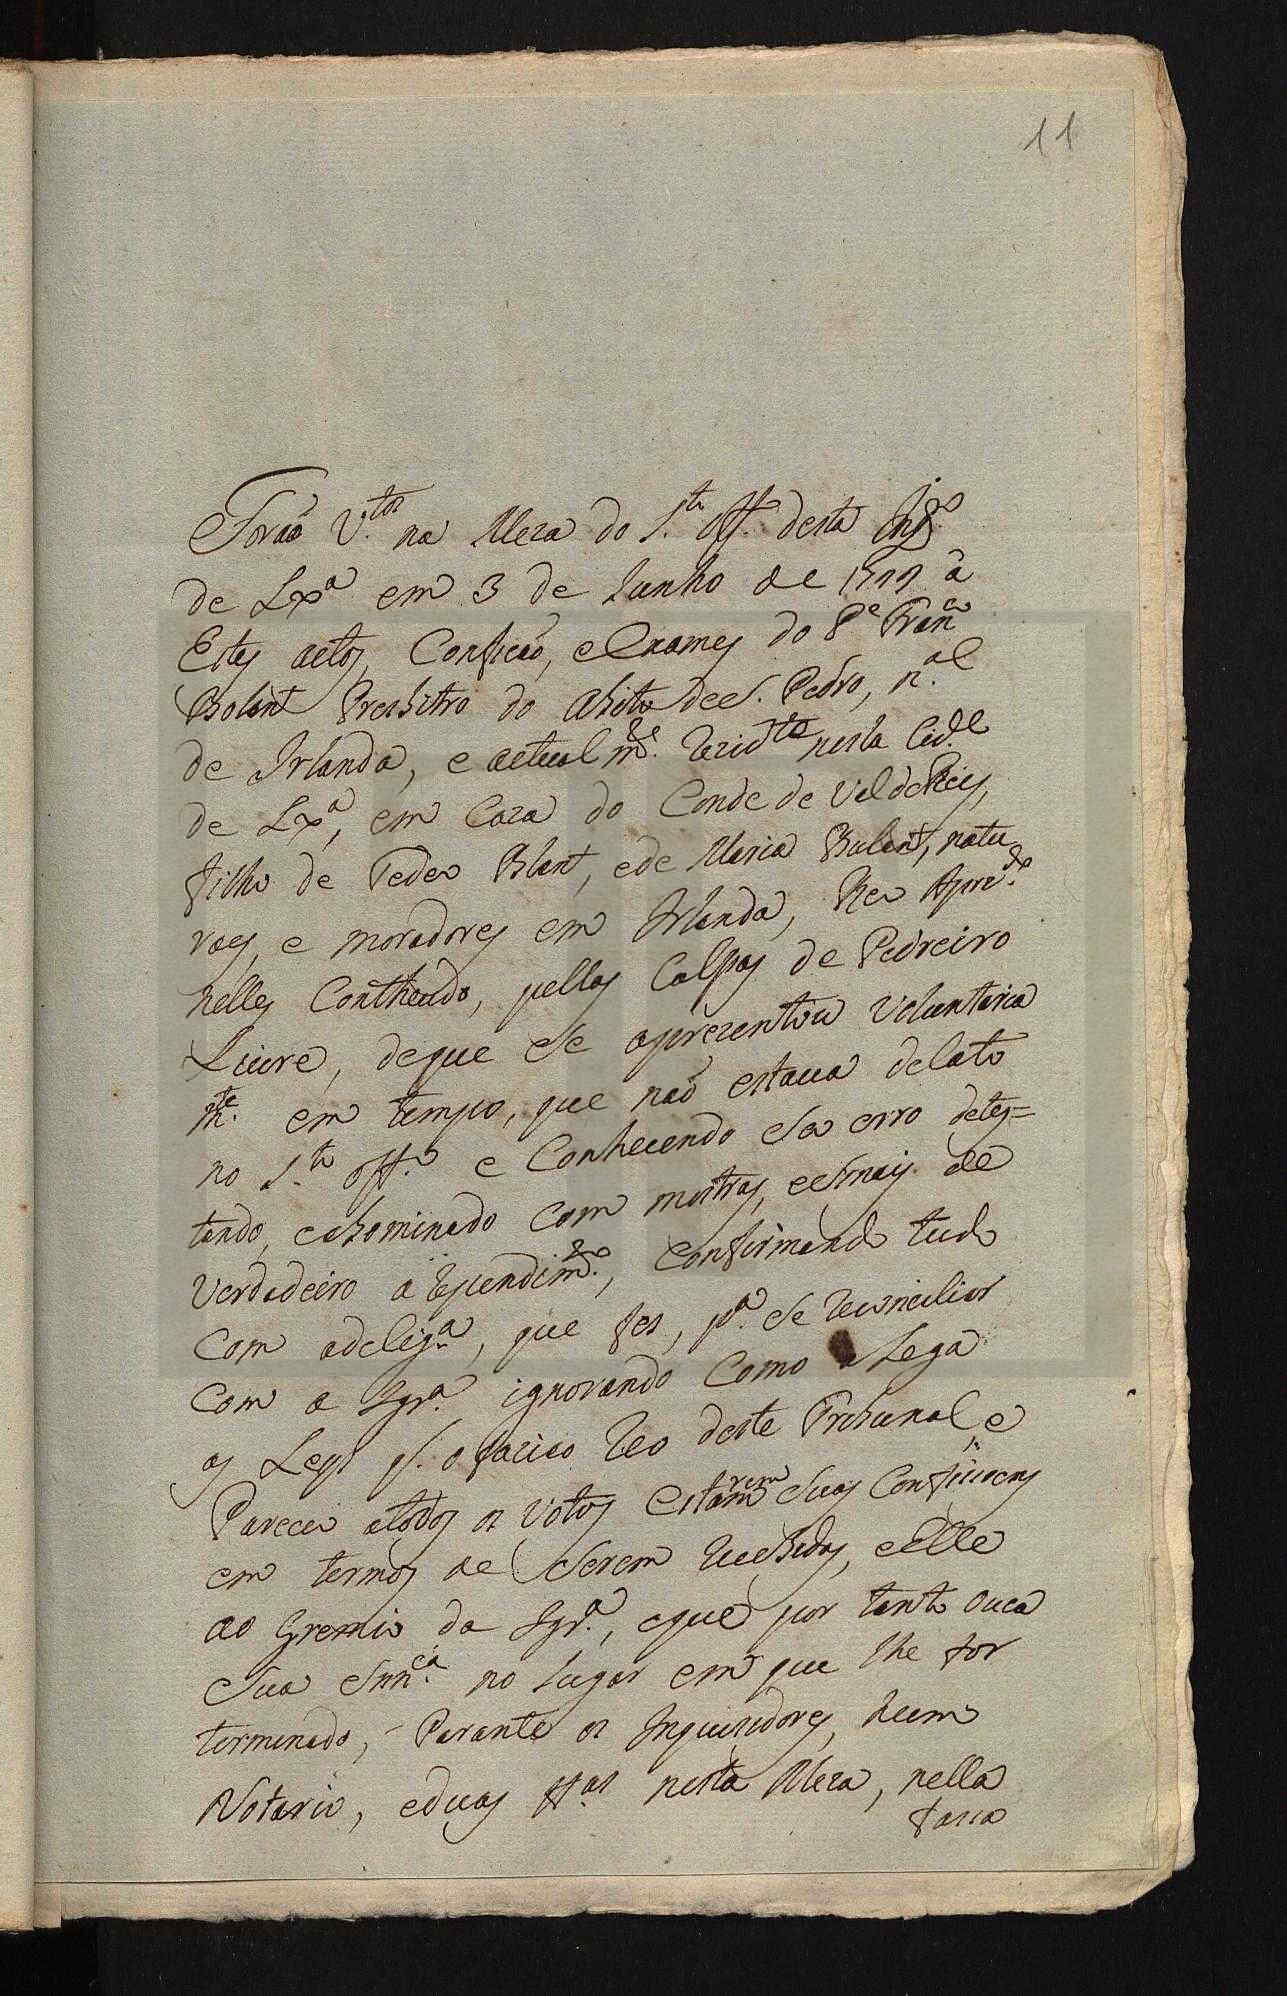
Foraõ V.tos na Meza do s.to off.o desta Inq.o
de Lxa em 3 de Iunho de 1799 ā
Estes actos, Conficaõ, e Exames do P.e Fran.co
Bolant Presbitro do abito de S. Pedro, n.al
de Irlanda, e actualm.te Rezid.te nesta Cid.e
de Lxa, em Caza do Conde de Val de Reis,
filho de Tedeo Blant, e de Maria Bulant, natu
raes, e moradores em Irlanda, Reo Apre.do
nelles Contheudo, pellas Culpas de Pedreiro
Livre, de que se aprezentou Voluntaria
m.te em tempo, que naõ estaua delato
no s.to off.o e Conhecendo seo erro detes
tando, e abominado com mostras, e sinais de
Verdadeiro aRependim.to, confirmando tudo
Com a delig.a, que fes, p.a se Reconciliar
Com a Igr.a ignorando Como aLega
as Leys q̄ o faziao Reo deste Tribunal, e
Pareceo a todos os Votos estamrem suas Confissoens
em termos de serem Recebidas, e elle
ao Gremio da Igr.a, e que por tanto ouca
Sua Snnca. no lugar em que lhe for
termenado, Perante os Inquisidores, hum
Notario, e duas tt.as nesta Meza, nella
fassa
